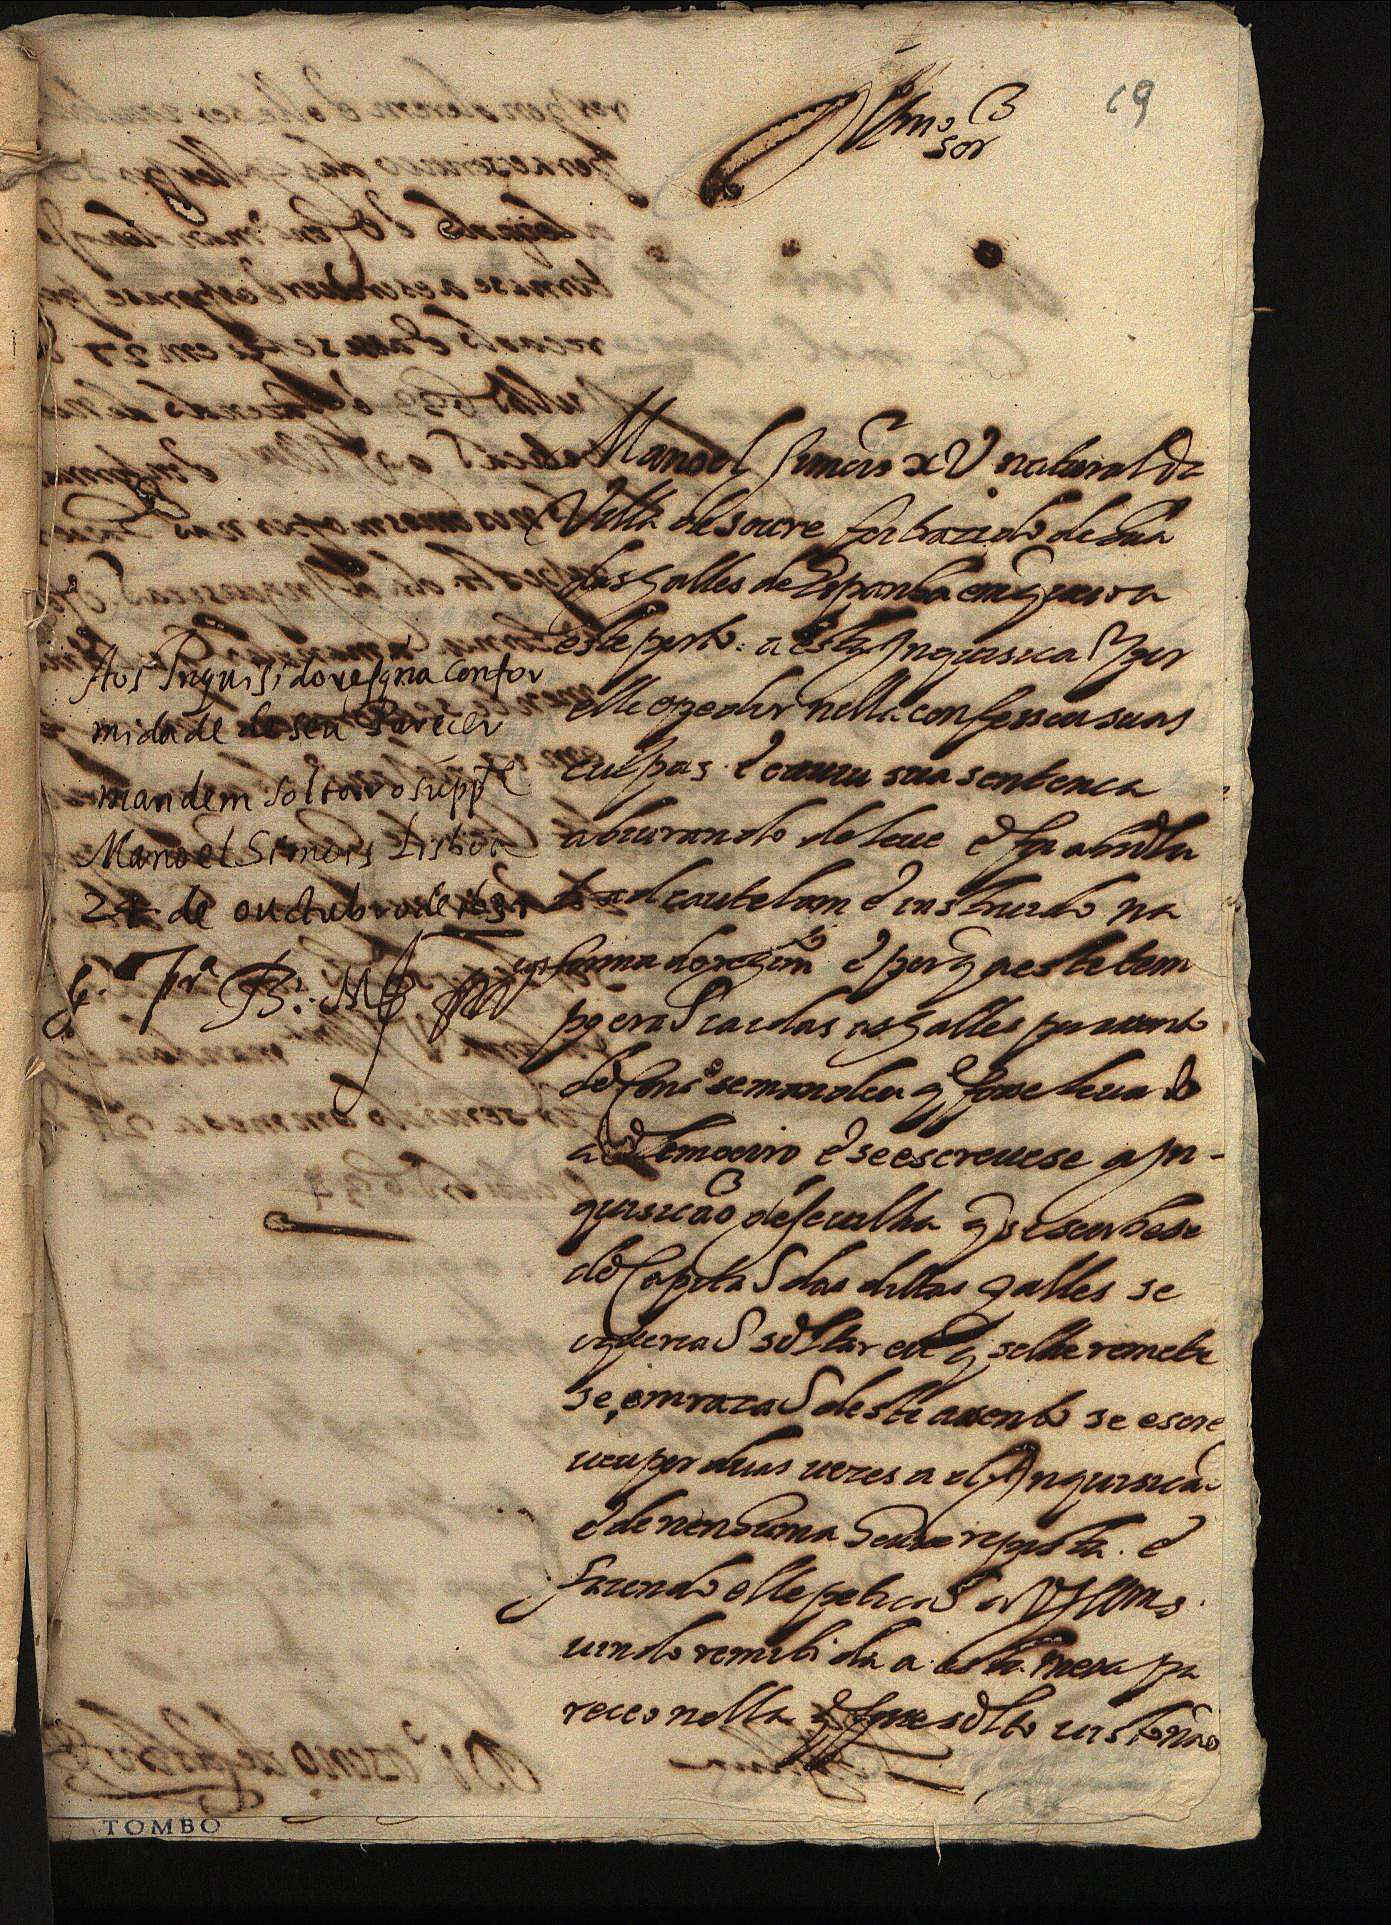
Aos Inquisidores q̄ na confor
midade de seu Parecer
mandem soltar o sūppte
Manoel Simois Lisboa
24 de ouctubro de i634
Jllmo sor̄
Manoel Simoĩs xV natural da
Villa de soure, foi trazido de huā
das Galles de Espanha em q̄ ueio a
este porto. a esta Jnquisiçaõ por
elle o pedir nella confessou suas
culpas. e ouuiu sua sentença
abiurando de leue e foi absolu
to ad cautelam e instruido na
forma do regimto e porq̄ neste tem
po eraõ saidas as Galles por assento
do Conso se mandou q̄ fosse leuado
ao Lemoeiro e se escreuese a Jn
quisiçaõ de seuilha q̄ se soubese
do Capitaõ das dittas galles se
o queriaõ soltar en q̄ se lhe remete
se em razaõ deste assento se escre
ueu por duas uezes a d̄ Jnquisiçaõ
e de nenhuma houve reposta. e
fazendo elle petiçaõ a V Jllma.
uindo remetida a esta mesa pa
receo nella q̄ fosse solto uisto não
